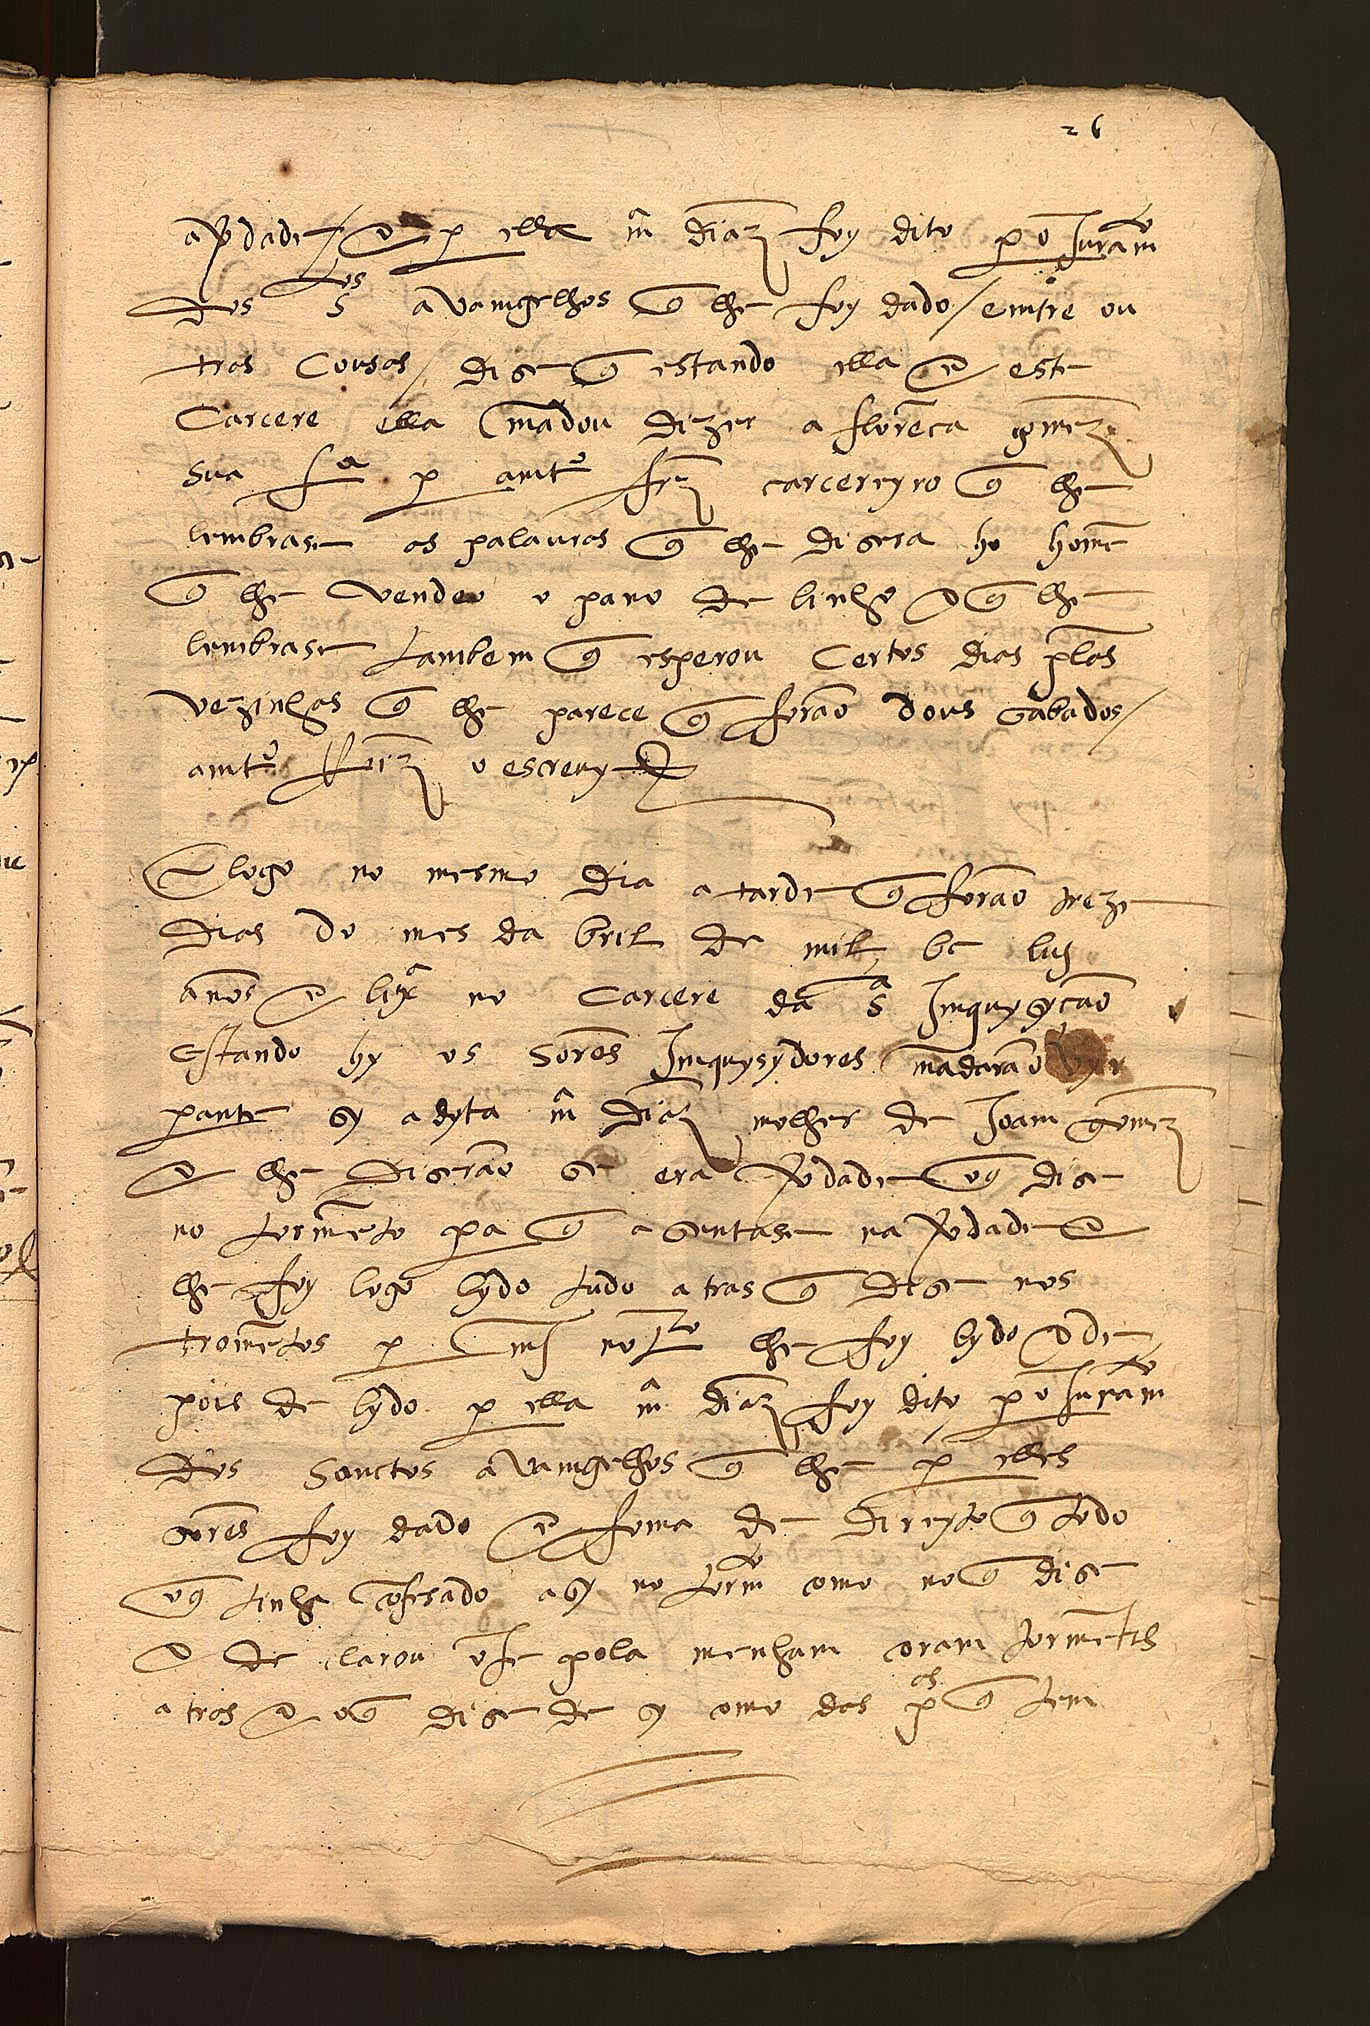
a ꝟdade / e ꝑ ella ma diaz foy dito ꝑ o Juramto
dos stos avamgelhos q̄ lhe foy dado / emtre ou
tras Cousas / dise q̄ estando ella ē este
Carcere ella m̄adou dizer a florēca gomez
sua fa ꝑ amto fr̄z carcereyro q̄ lhe
lembrase as palauras q̄ lhe disera ho homē
q̄ lhe vendeo o pano de linho e q̄ lhe
lembrase tambem q̄ esperou certos dias p̄las
vezinhas q̄ lhe parece q̄ forão dous sabados/
amto Rōiz o escreuy
E logo no mesmo dia a tarde q̄ forão treze
dias do mes da bril de mil bc liij
an̄os ē lixa no Carcere da sta Jmquysyção
Estando hy os Sōres Jmquysydores m̄adarão vyr
ꝑante sy a dyta ma diaz molher de Joam gomez
e lhe dyserão se era ꝟdade o q̄ dise
no torm̄eto ꝑa q̄ asentase na ꝟdade e
lhe foy logo lydo tudo atras q̄ dise nos
tromētos ꝑ m̄j notro lhe foy lydo e de
pois de lydo ꝑ ella ma diaz foy dito ꝑ o Juramto
dos Sanctos avamgelhos q̄ lhe ꝑ elles
sōres foy dado ē foma de direyto q̄ todo
o q̄ tinha c̄ofesado asy no tormto como no q̄ dise
e declarou ōje pola menham coram torm̄etis
atras e o q̄ dise de sy como das pas q̄ tem
